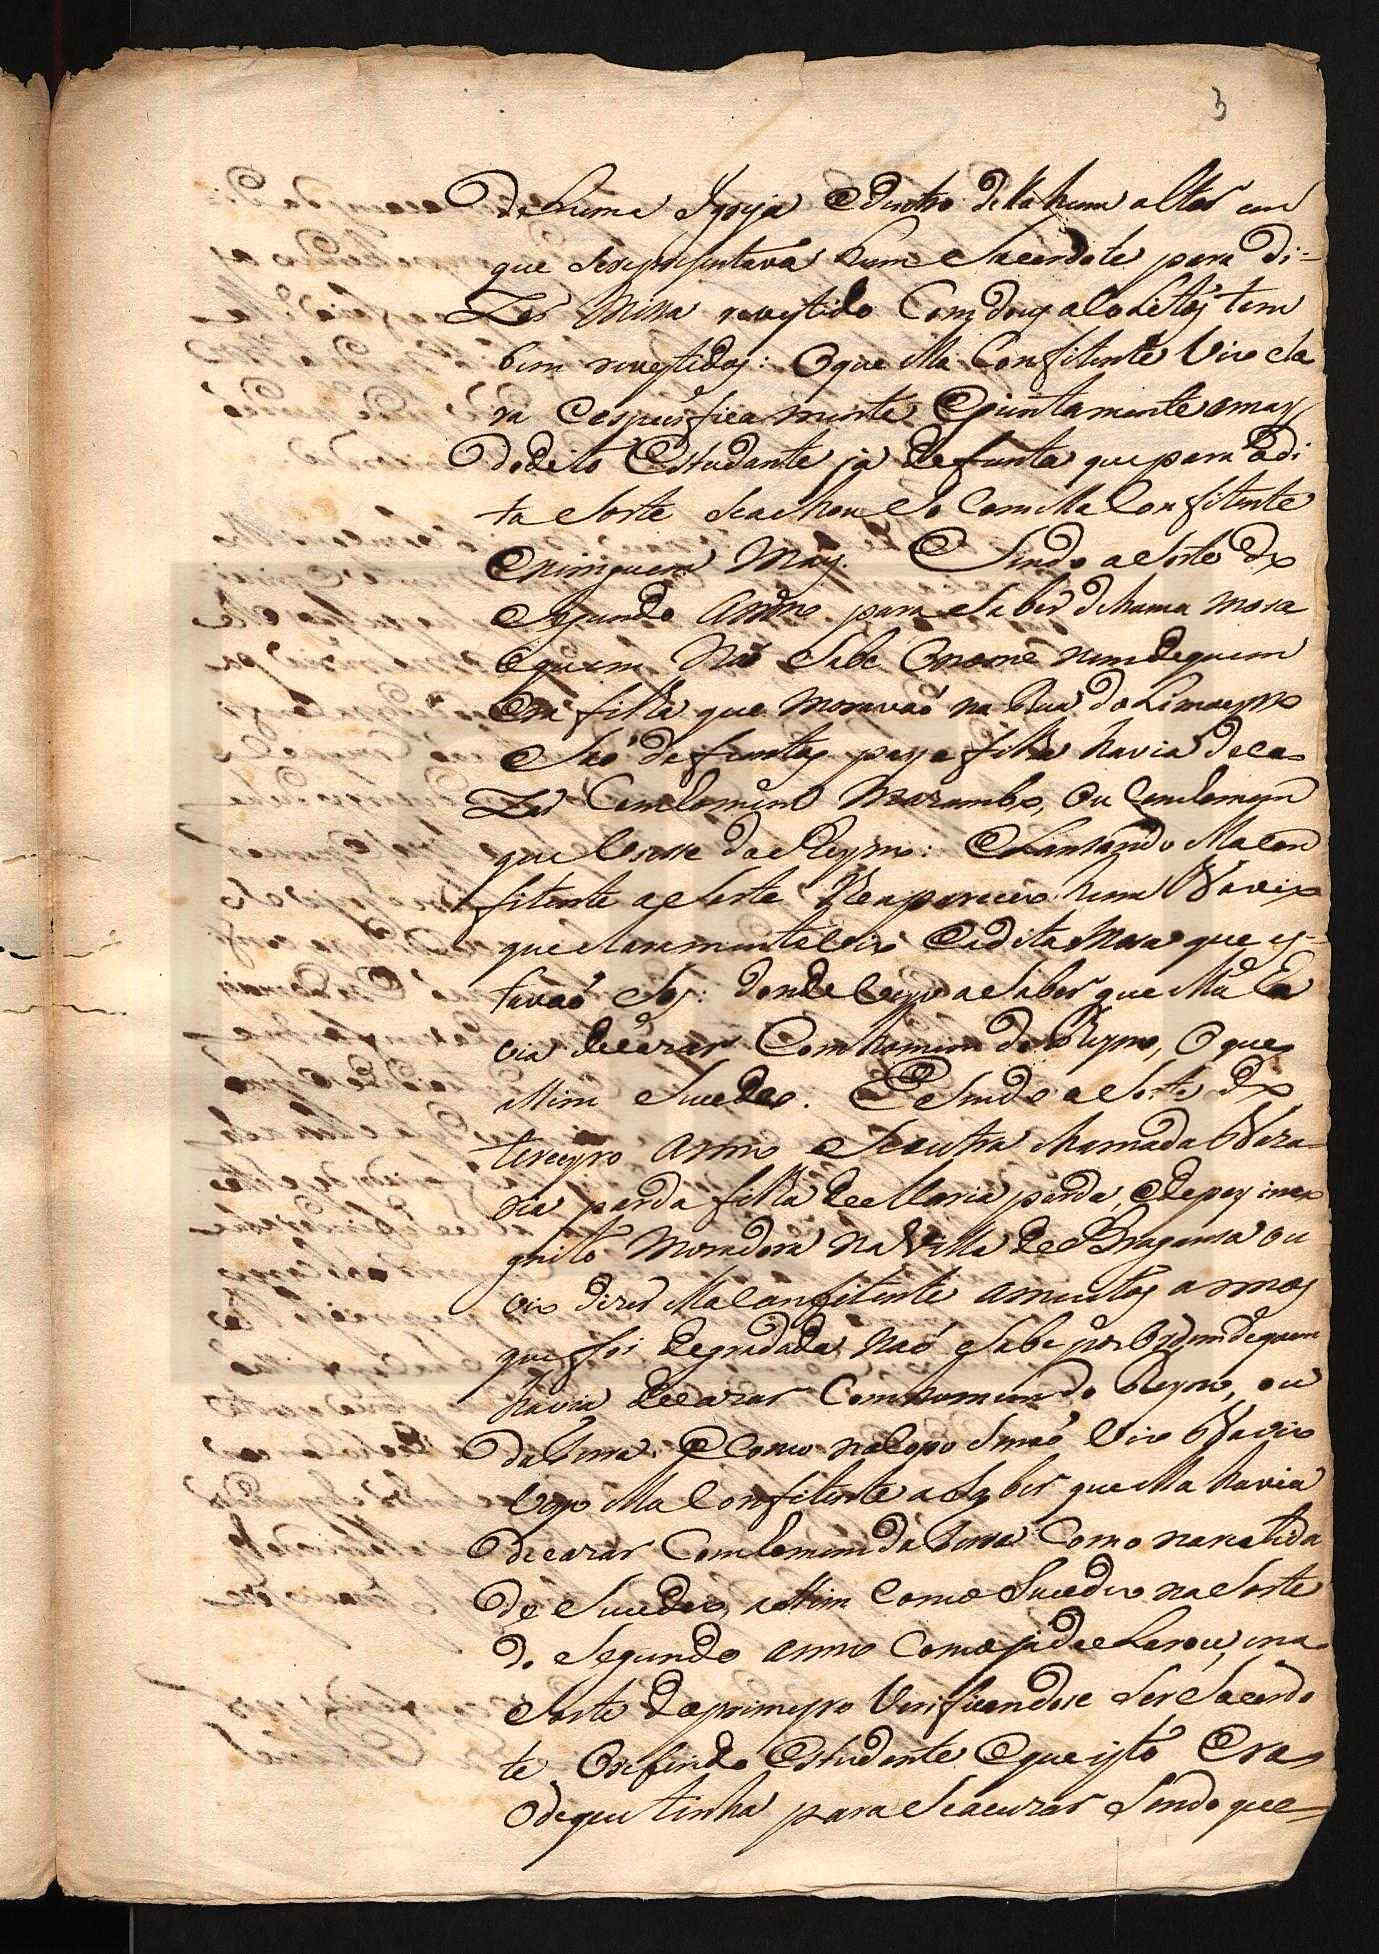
de huma Igreja e dentro della hum altar em
que se representava hum Sacerdote para di
Zer Missa revestido Com dous acolitos tam
bem reuestidos: O que ella Confitente Viu cla
ra e especificamente e juntamente a may
do dito estudante ja defunta que para a di
ta sorte se achou so com ella Confitente
e ninguem mais Sendo a sorte do
Segundo anno para saber de huma mosa
a quem naõ sabe o nome nem de quem
era filha que moravaõ na Rua do Limoeyro
Saõ defuntas pay e filha havia de ca
Zar Com homem Mazambo, ou com homem
que Viesse do Reyno: e Lansando ella con
fitente a Sorte lhe apareceo hum Navio
que claramente vio e a dita mosa que es
tavaõ sos: donde veyo a saber que ella ha
via de cazar Com homem do Reyno, O que
assim Sucedeo. E Sendo a Sorte do
terceyro anno Se outra chamada Naza
ria parda filha de Maria parda, e de pay inco
gnito moradora na Villa de Bragansa ou
vio dizer ella confitente a muitos annos
que foi degradada naõ sabe por ordem de quem
havia de cazar com homem do Reyno, ou
da Terra e como no copo se naõ vio Navio
veyo ella confitente a Saber que ella havia
de cazar Com homem da Terra como na realida
de Sucedeo, assim como Sucedeo na Sorte
do Segundo anno como ja decLarou, e na
Sorte do primeyro Verificandose ser sacerdo
te O referido estudante e que isto era
o de que tinha para se acuzar sendo que
